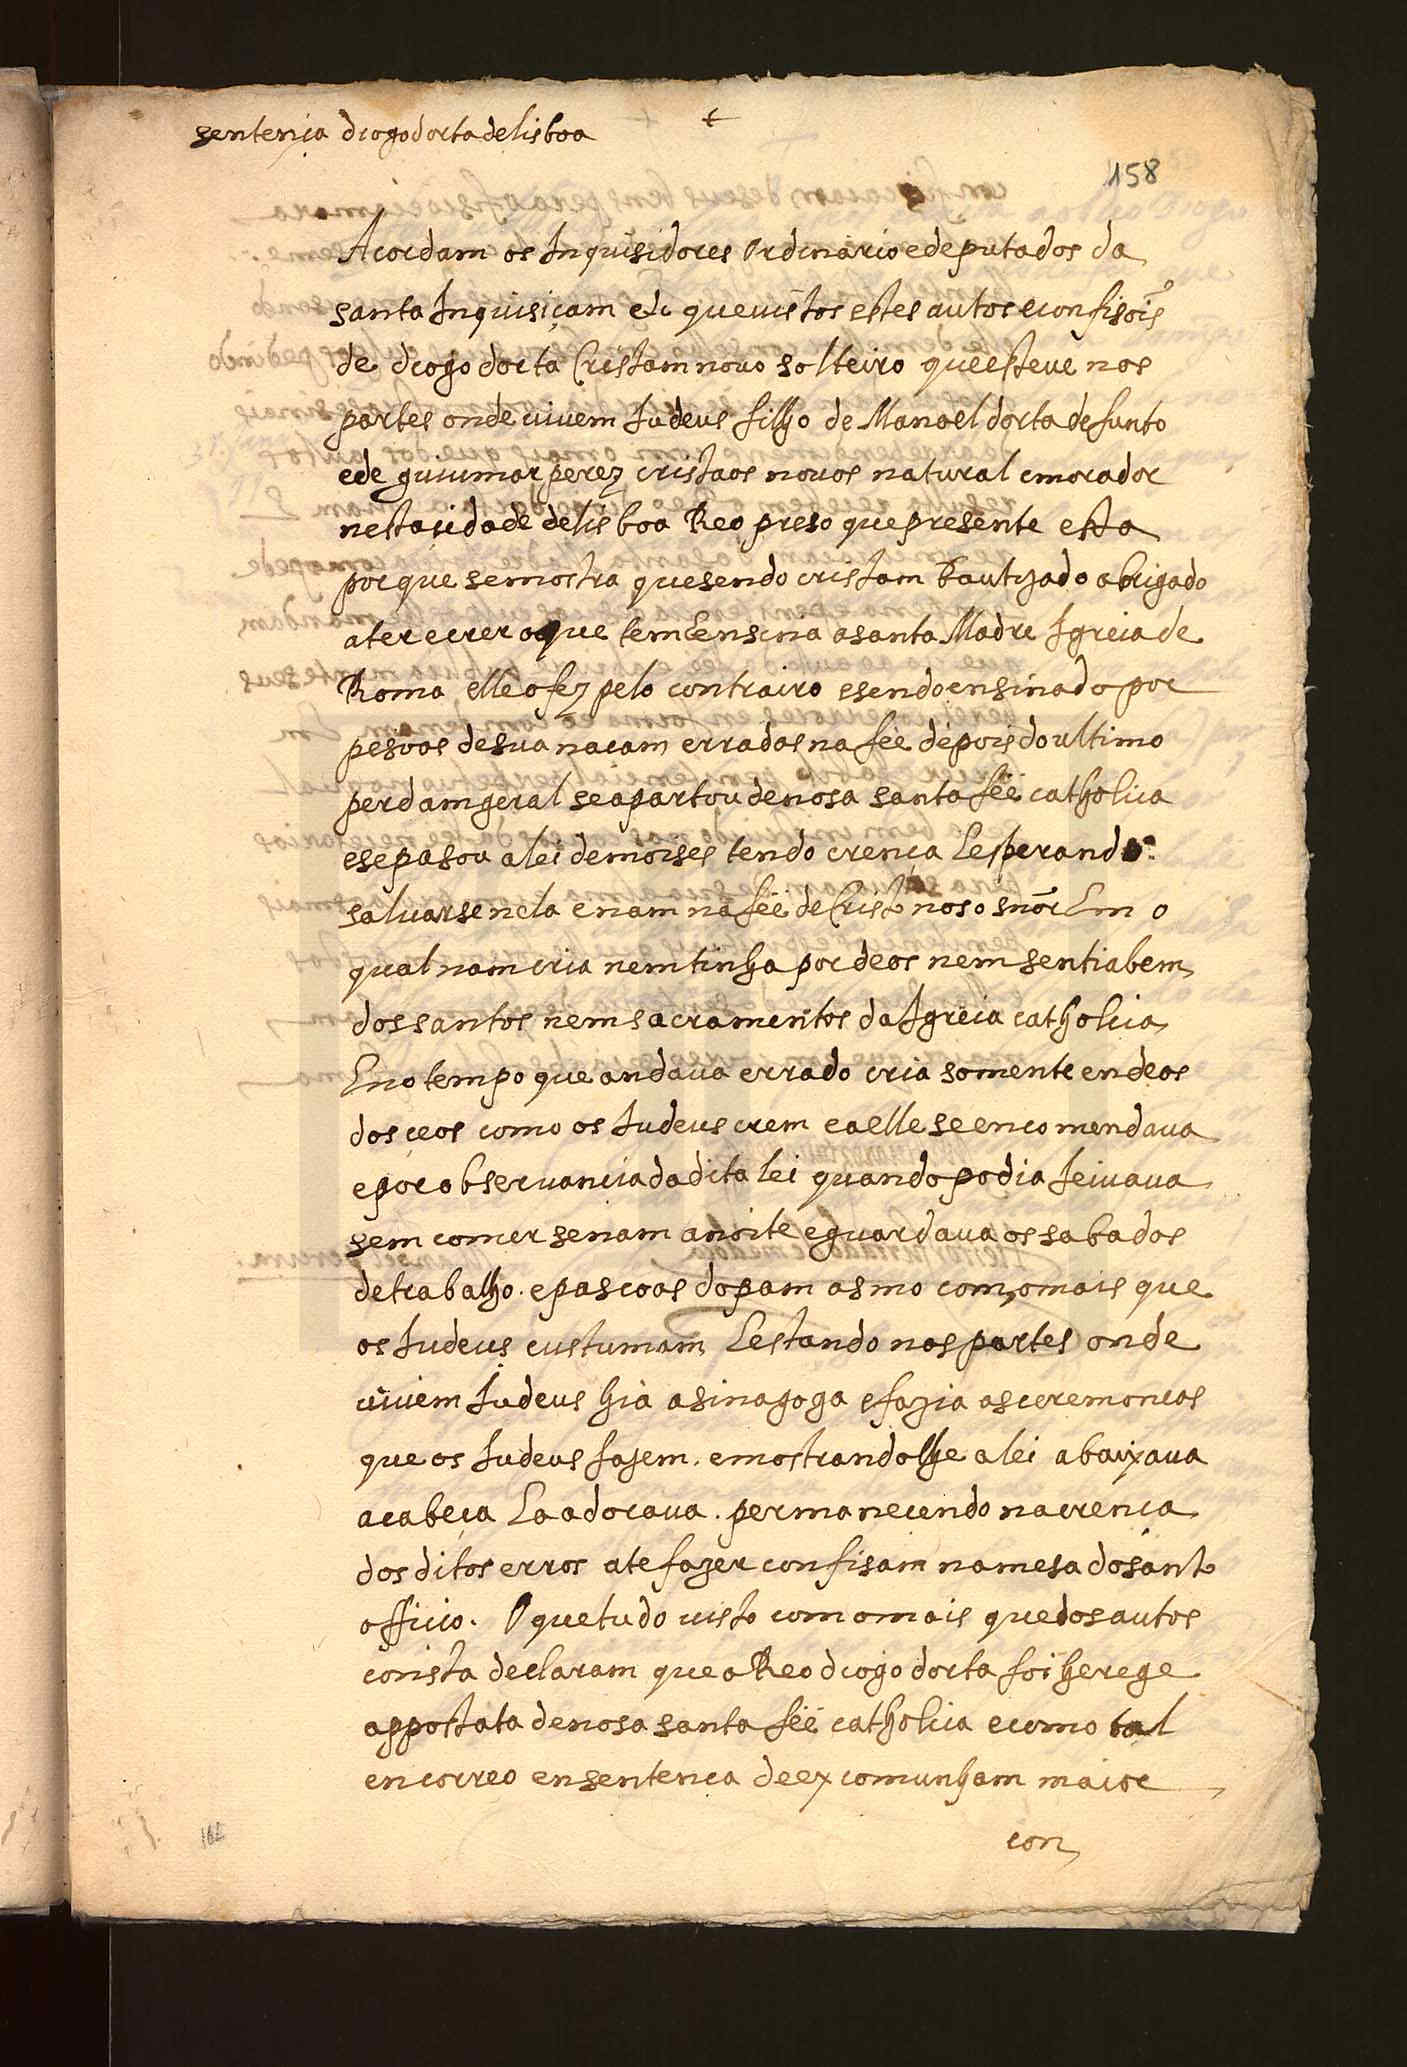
sentença diogo dorta de lisboa
Acordam os Jnquisidores ordinario deputados da
santa Jnquisiçam etc que vistos estes autos e confisõis
de diogo dorta Cristam novo solteiro que esteve nas
partes onde vivem Judeus filho de Manoel dorta defunto
e de guiumar perez cristaos novos natural e morador
nesta çidade de lisboa Reo preso que presente esta
porque se mostra que sendo cristam Bautizado obrigado
a ter e crer o que tem e ensina a santa Madre Jgreia de
Roma elle o fez pelo contrairo e sendo ensinado por
pesoas de sua naçam erradas na fée depois do ultimo
perdam geral se apartou de nosa santa fée catholica
e se pasou a lei de moises tendo crença e esperando:
salvarse nela e nam na fée de Cristo noso snōr em o
qual nam cria nem tinha por deos nem sentia bem
dos santos nem sacramentos da Jgreia catholica
e no tempo que andava errado cria somente en deos
dos çeos como os Judeus crem e a elle se encomendava
e por observancia da dita lei quando podia Jeiuava
sem comer senam a noite e guardava os sabados
de trabalho e pascoas do pam asmo com o mais que
os judeus custumam e estando nas partes onde
vivem Judeus hia a sinagoga e fazia as ceremoneas
que os Judeus fazem e mostrandolhe a lei abaixava
a cabeça e a adorava permanecendo na crença
dos ditos erros ate fazer confisam na mesa do santo
officio. O que tudo visto com o mais que dos autos
consta declaram que o Reo diogo dorta foi herege
appostata de nosa santa fée catholica e como tal
encorreo en sentença de excomunham maior
con
